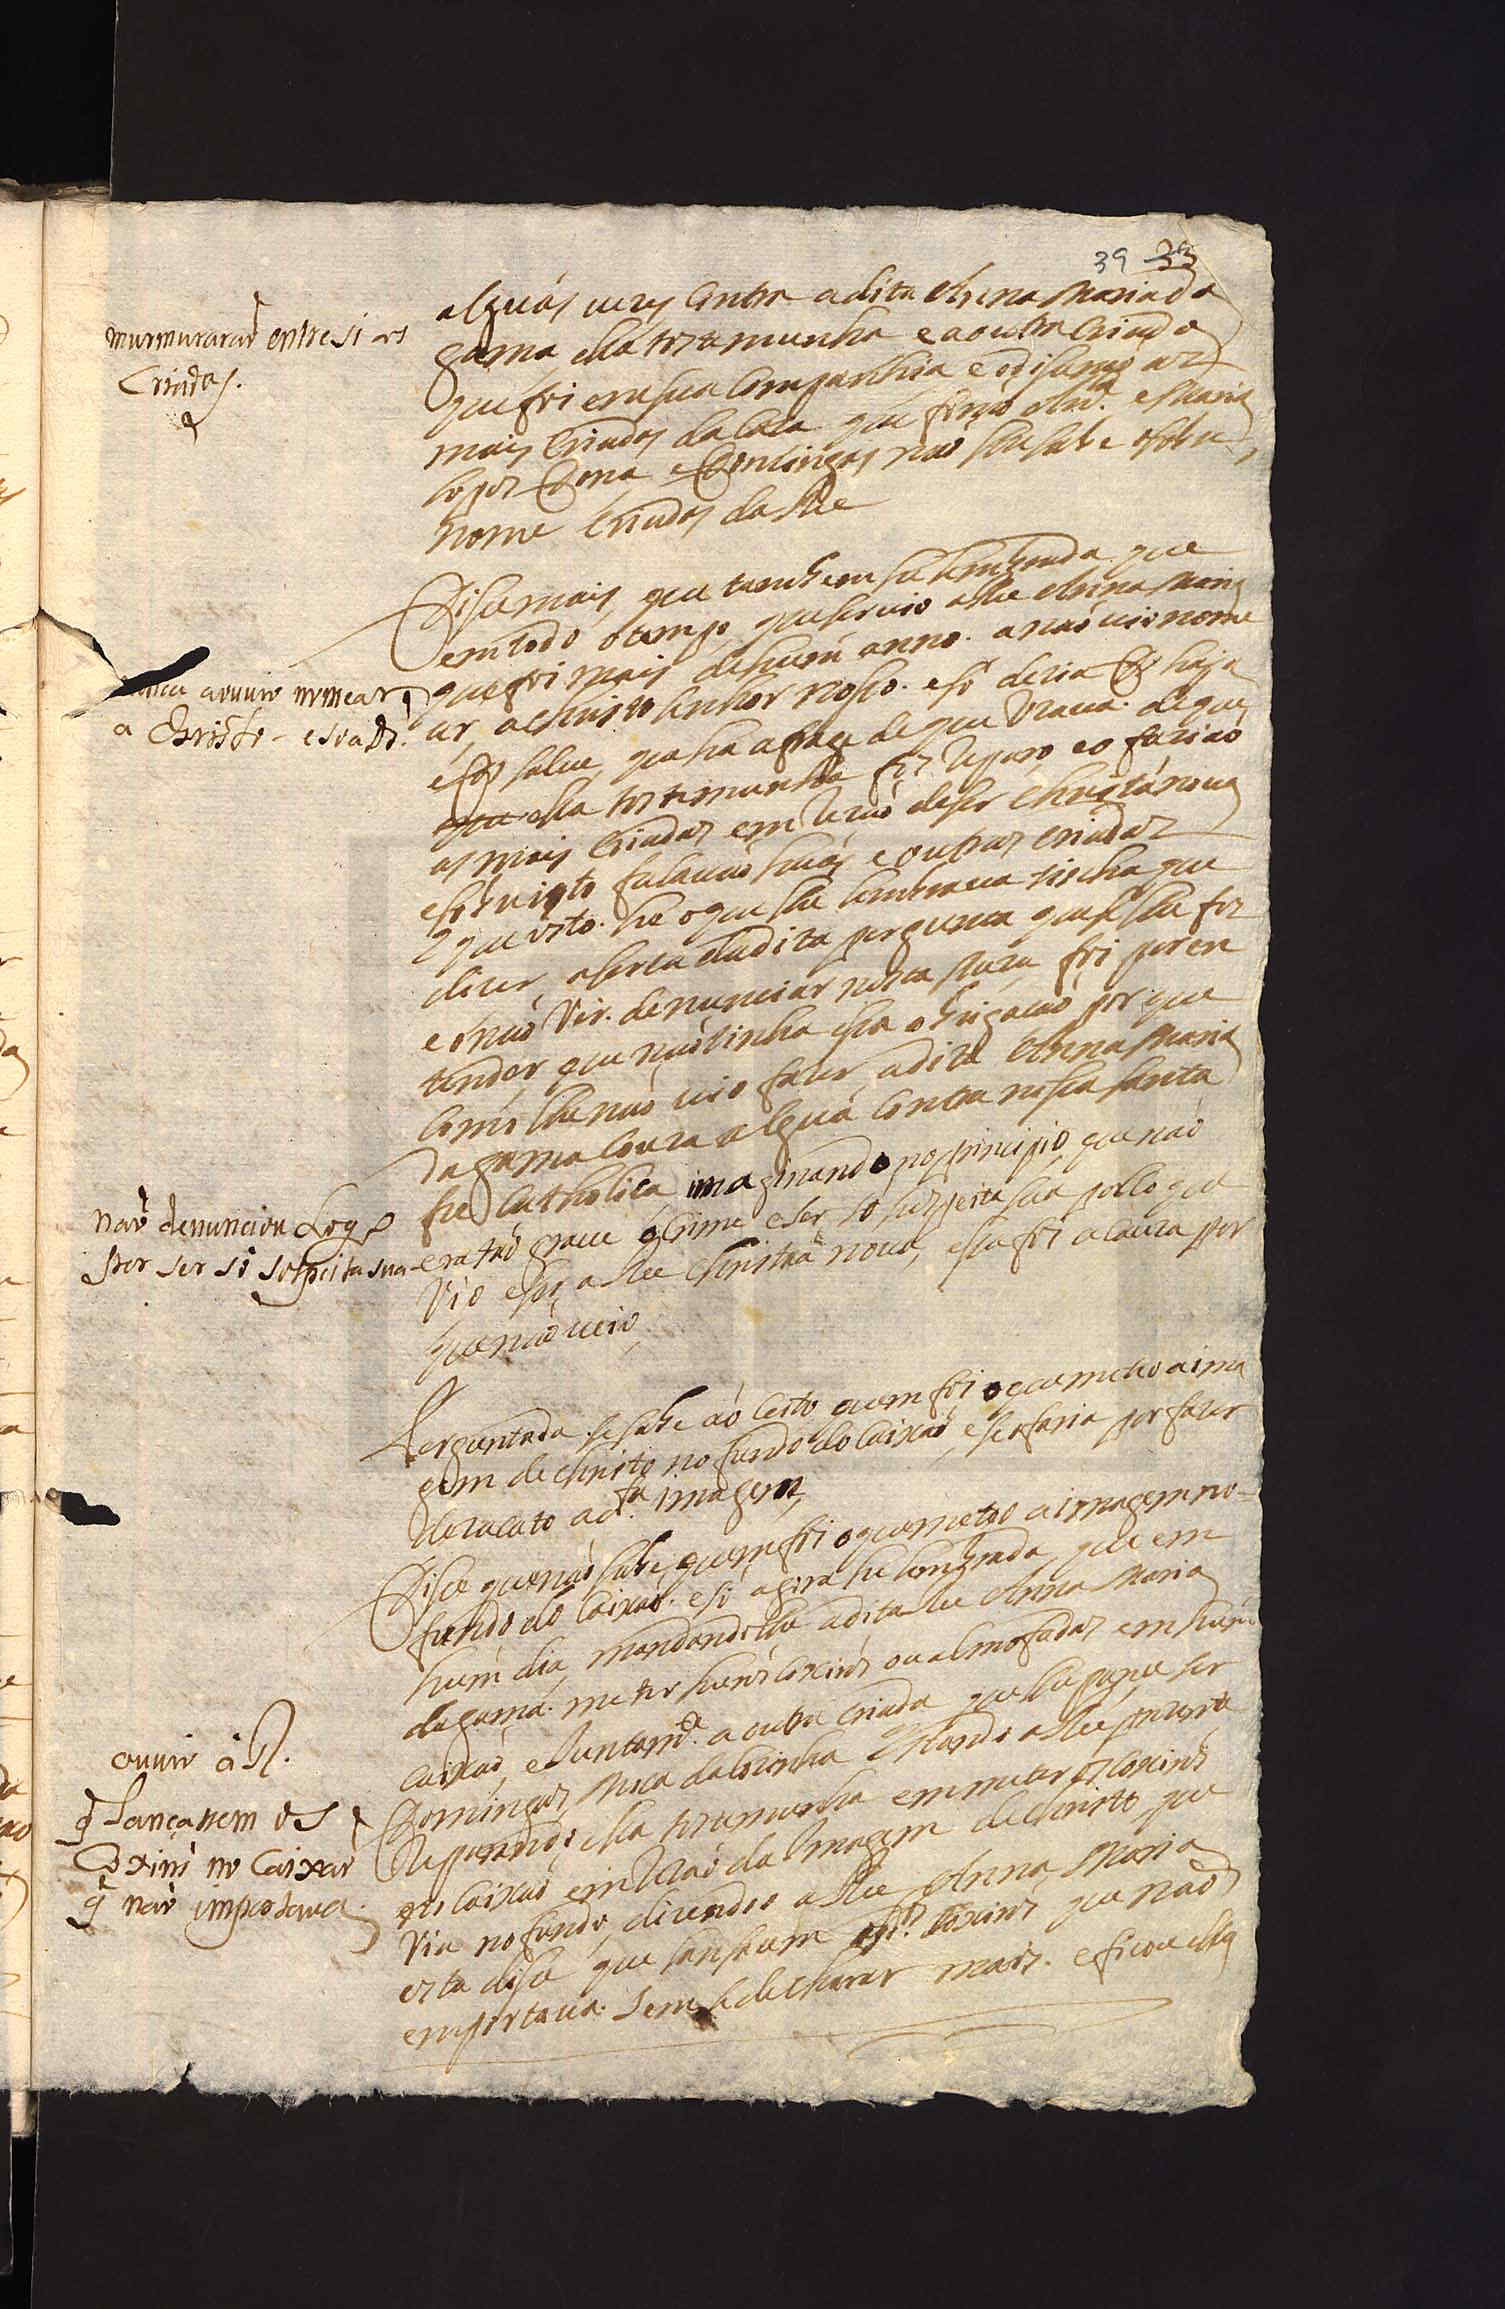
murmuraraõ entre si as
Criadas.
_eu a ouuir nomear
a christo. e so a Ds̄.
naõ denunciou Logo
por ser só sospeita sua
ouuir a R.
q̄ lançassem os
Coxins no caixaõ
q̄ naõ importaua
alguās uezes contra a dita Anna Maria da
gama ella testemunha e a outra criada
que foi em sua companhia e o disse naõ az
mais criadas da caza que forão An.ta e Maria
lopes Dona e Domingas naõ lhe sabe o sobre
nome criadas da Re
Disse mais que tambem he lembrada que
em todo o tempo que seruio a Ree Anna Maria
que foi mais de hum anno a naõ uio nome
ar, a christo senhor nosso. e só dezia Ds̄ haja
e Ds̄ salue que ha a frase de que Vzaua de que
que ella testemunha fez Reparo e o faziaõ
as mais criadas em Rezaõ de ser christã noua
e sobre isto falauão huãs e outras criadaz
E que isto he o que lhe lembraua tinha que
dizer, aserca da dita pergunta que se lhe fez
e o naõ Vir. denunciar nesta Meza foi por en
tender, que naõ tinha essa obrigaçaõ porque
como lhe naõ uio fazer, a ditta Anna Maria
da gama couza alguā contra nossa santa
fee catholica, imaginando, no principio, que naõ
era taõ graue o crime e ser so suspeita sua pollo que
Vio e fez a Ree christaã noua, essa foi a cauza por
que não ueio
Perguntada se sabe ao certo quem foi o que meteo a ima
gem de christo no fundo do caixão, e se o faria por fazer
dezacato a d̄.a imagem,
Disse que naõ sabe, quem foi o que meteo a imagem no
fundo do caixaõ e si agora he lembrada, que em
hum dia, mandandolhe a dita Ree Anna Maria
da gama meter huns coxins ou almofadas em hum̄
caixaõ, e Iuntam.te a outra criada que lhe pareçe ser
Domingas Moça da cozinha Estando a Ree prezente
Reparando ella testemunha em meter os coxins
no caixaõ em Rezaõ da Imagem de christo, que
viu no fundo, dizendoo a Ree Anna Maria
esta disse que lansacem os d.os coxins que naõ
emportaua sem se declarar mais. e ficou ella
